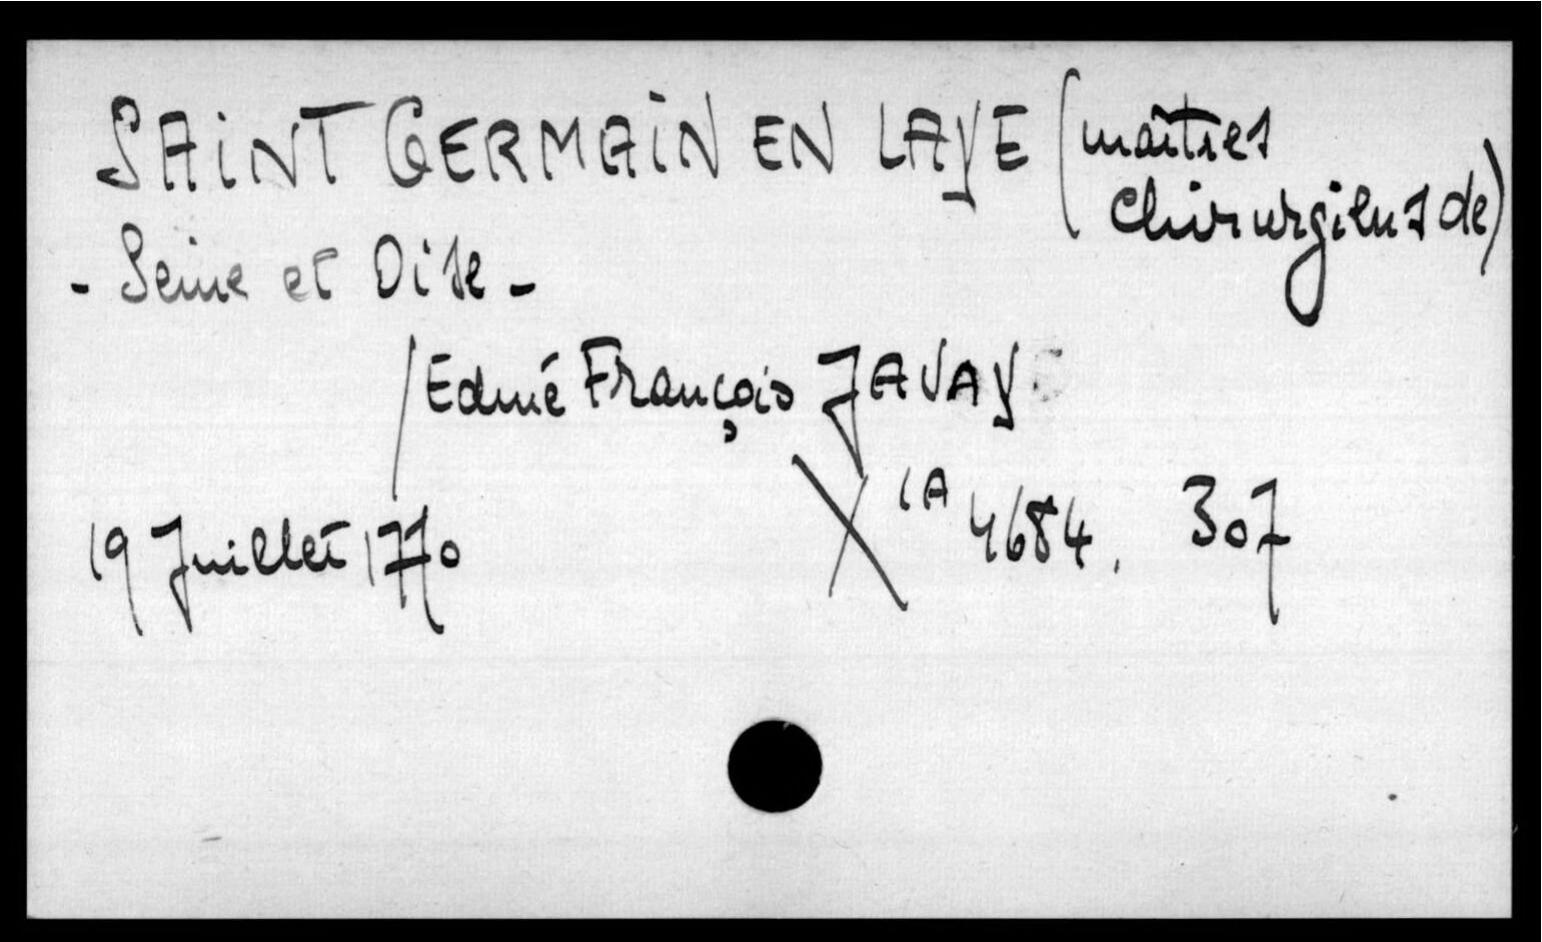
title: SAINT GERMAINEN LAYE (maîtres chirurgiens de) - Seine et Oise -
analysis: Contre Edmé François JAVAY
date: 19 juillet 1770
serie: X1A
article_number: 4684
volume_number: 307
